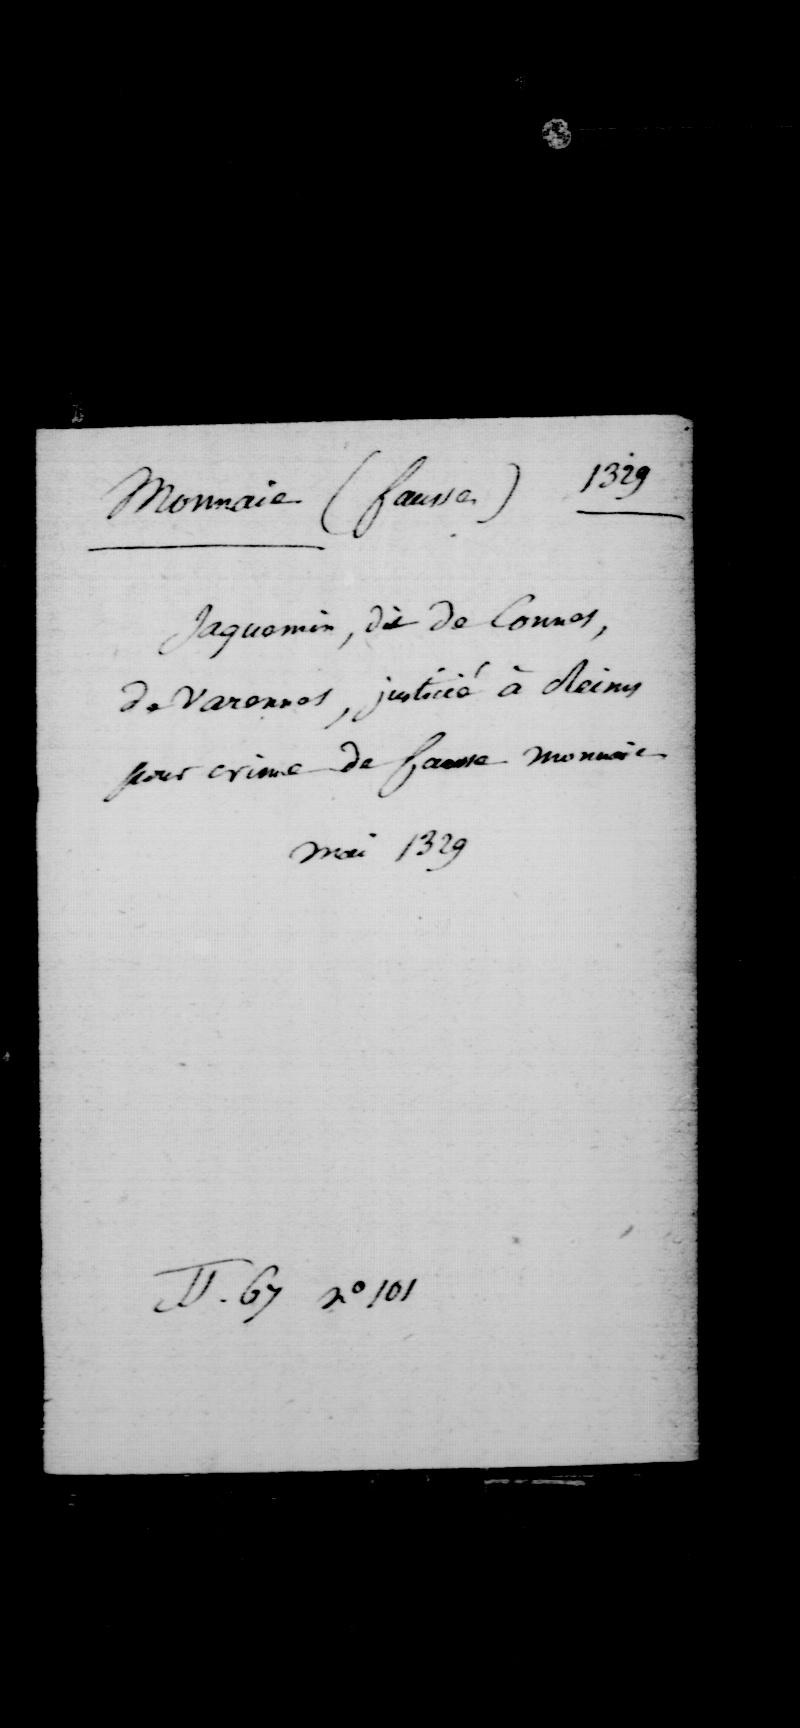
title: Monnaie (fausse)
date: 1329
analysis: Jaquemin, dit de Connes, de Varennes, justicié à Reims pour crime de fausse monnaie
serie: JJ
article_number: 67
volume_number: n° 101
